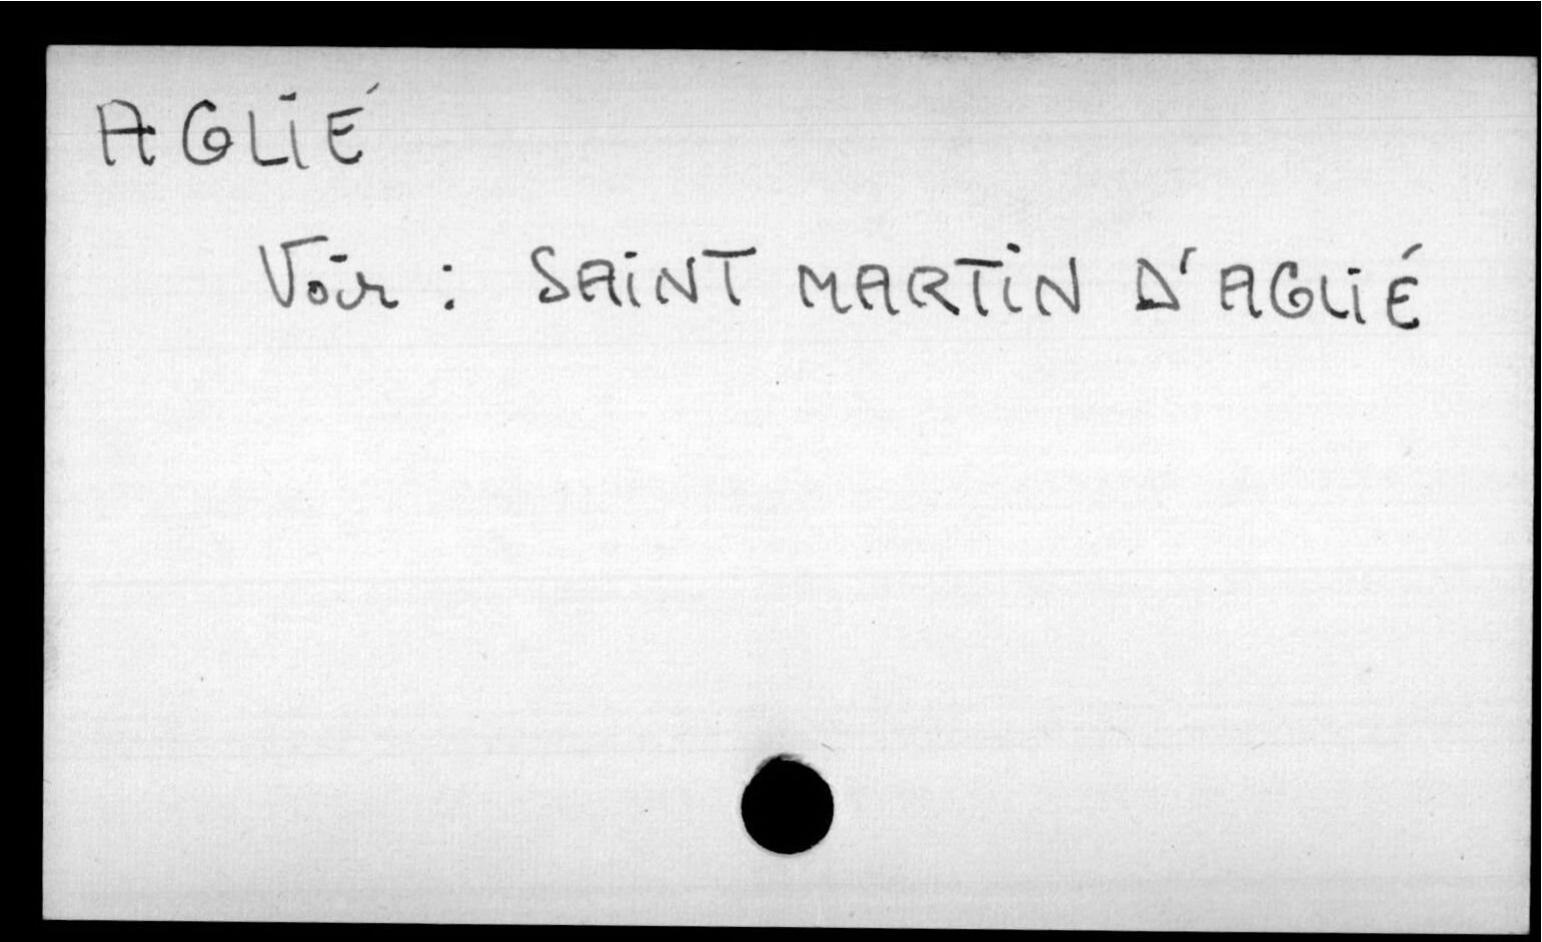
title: AGLIÉ
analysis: VOIR : SAINT MARTIN D'AGLIÉ
